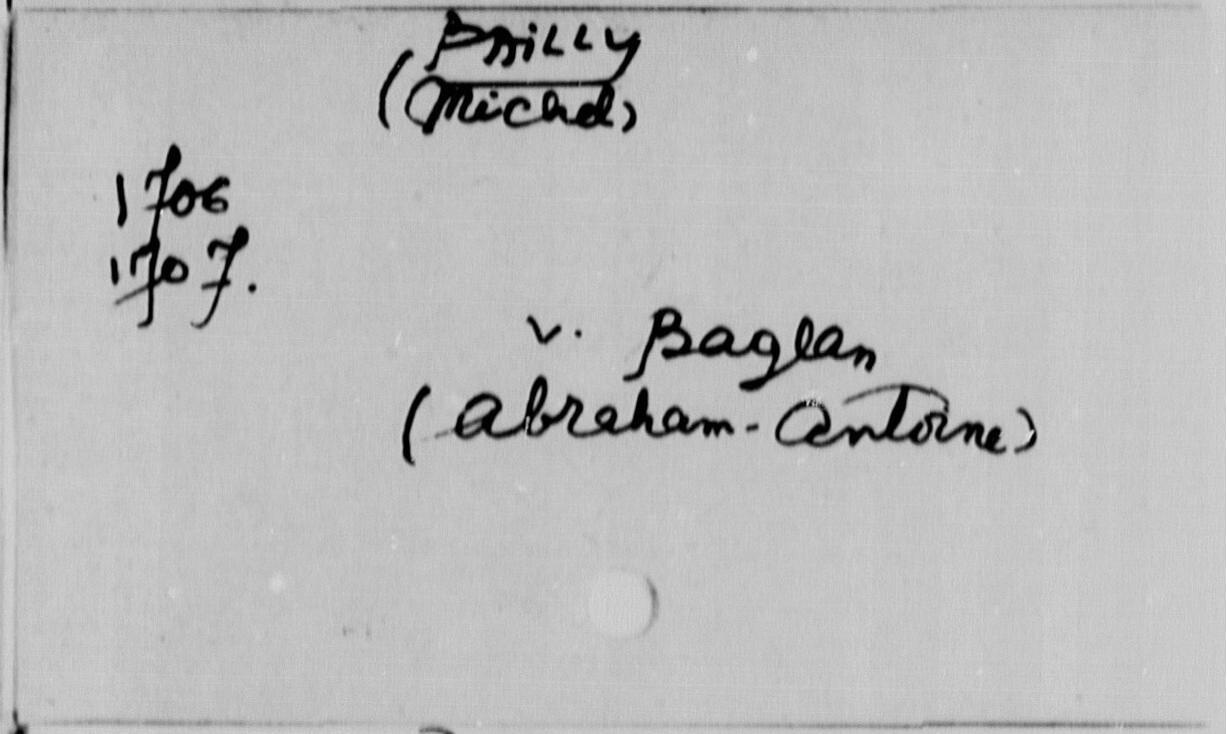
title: BAILLY (Michel)
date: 1706-1707
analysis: Voir Baglan (Abraham-Antoine)
